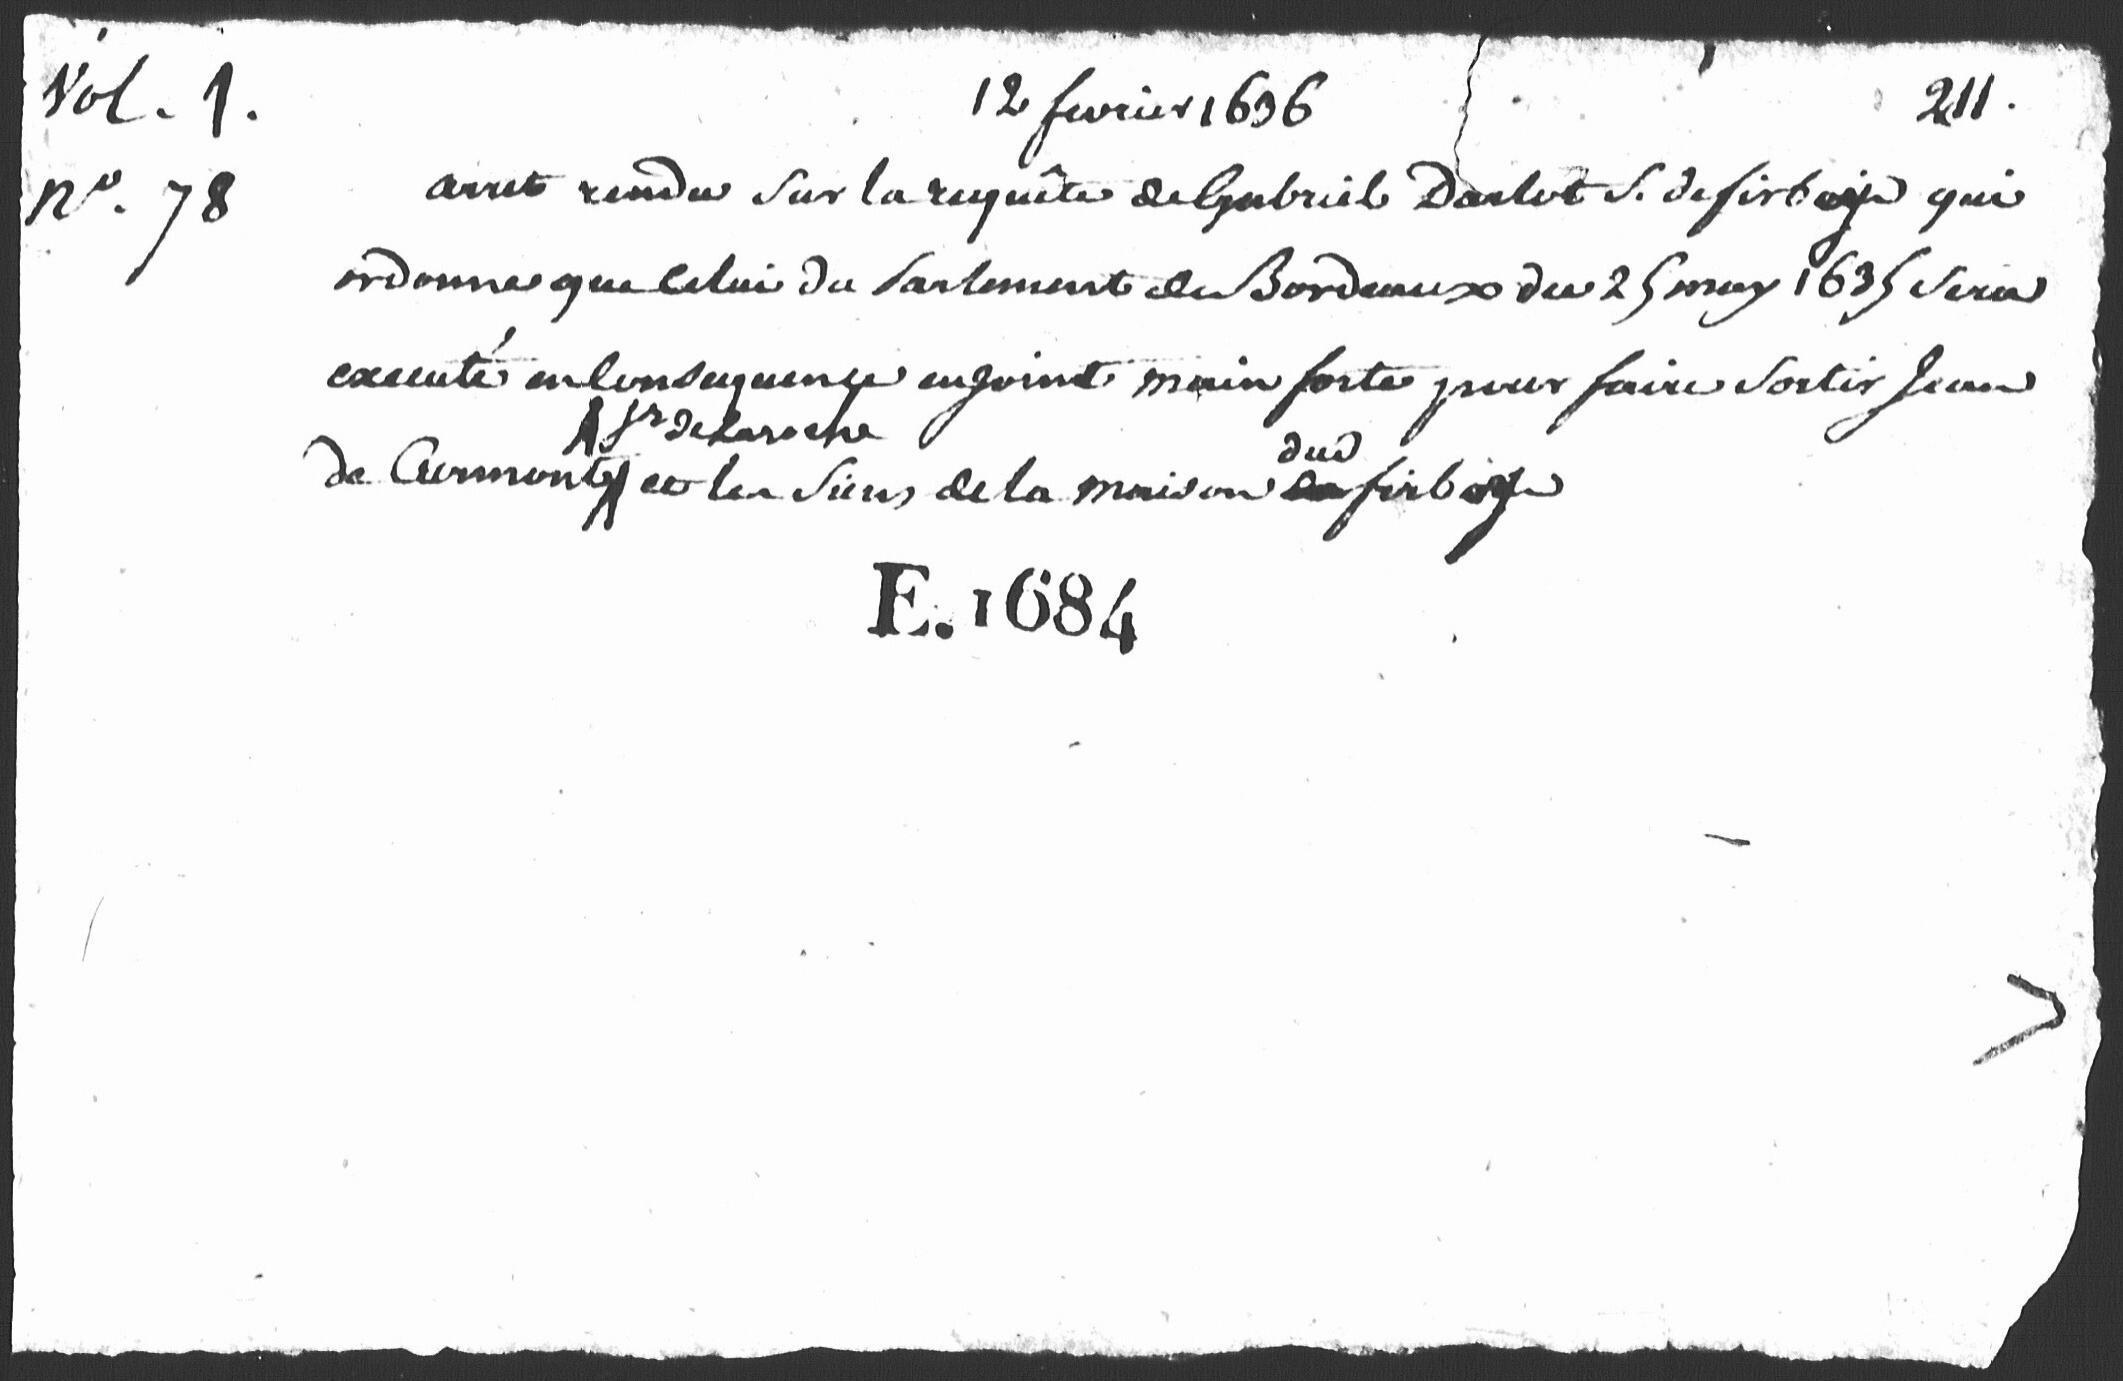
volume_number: n°78
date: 12 février 1636
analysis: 211
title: arret rendu sur la requête de Gabriel Darlot S. de Firbeys qui ordonne que celui du Parlement de Bordeaux du 25 may 1365 sera executé en consequence enjoint mainforte pour faire sortir Jean de Curmont, Sr de Laroche et les Sieurs de la maison ddd. Firbeys
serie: E
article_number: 1684
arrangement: vol. 1.
